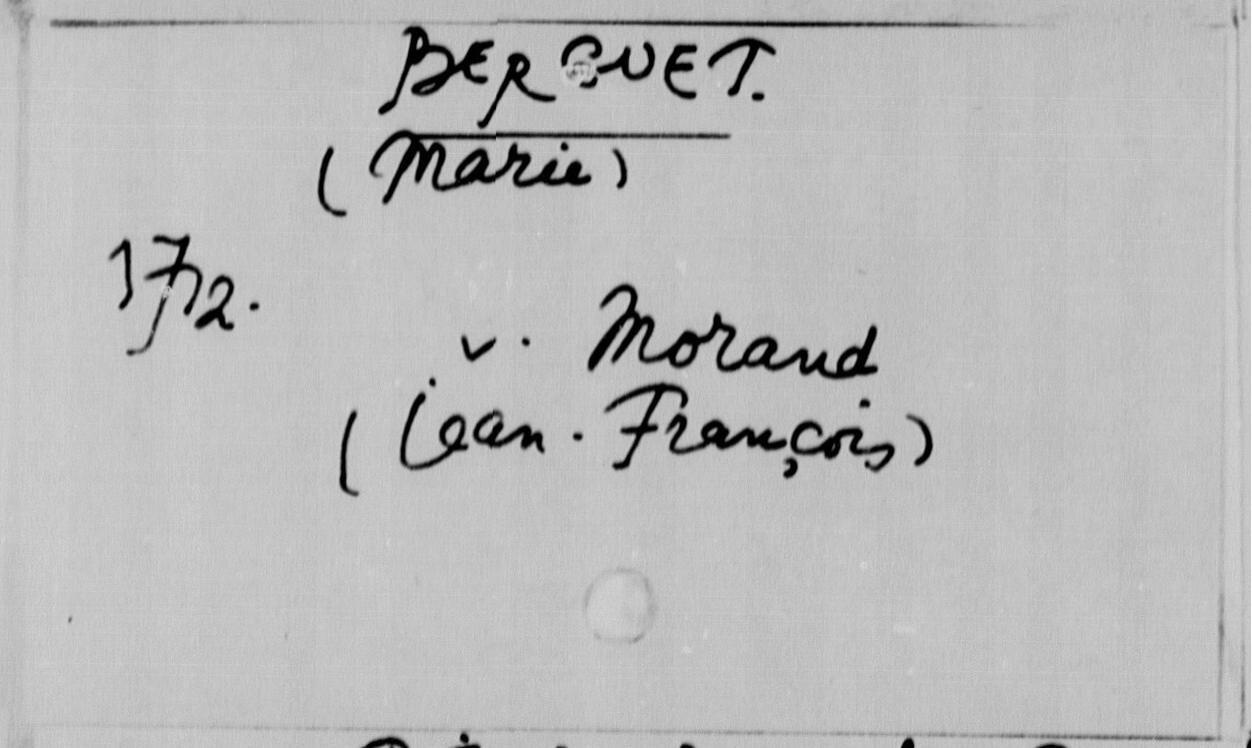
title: BERQUET (Marie)
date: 1712
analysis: Voir : MORAND (Jean-François)
